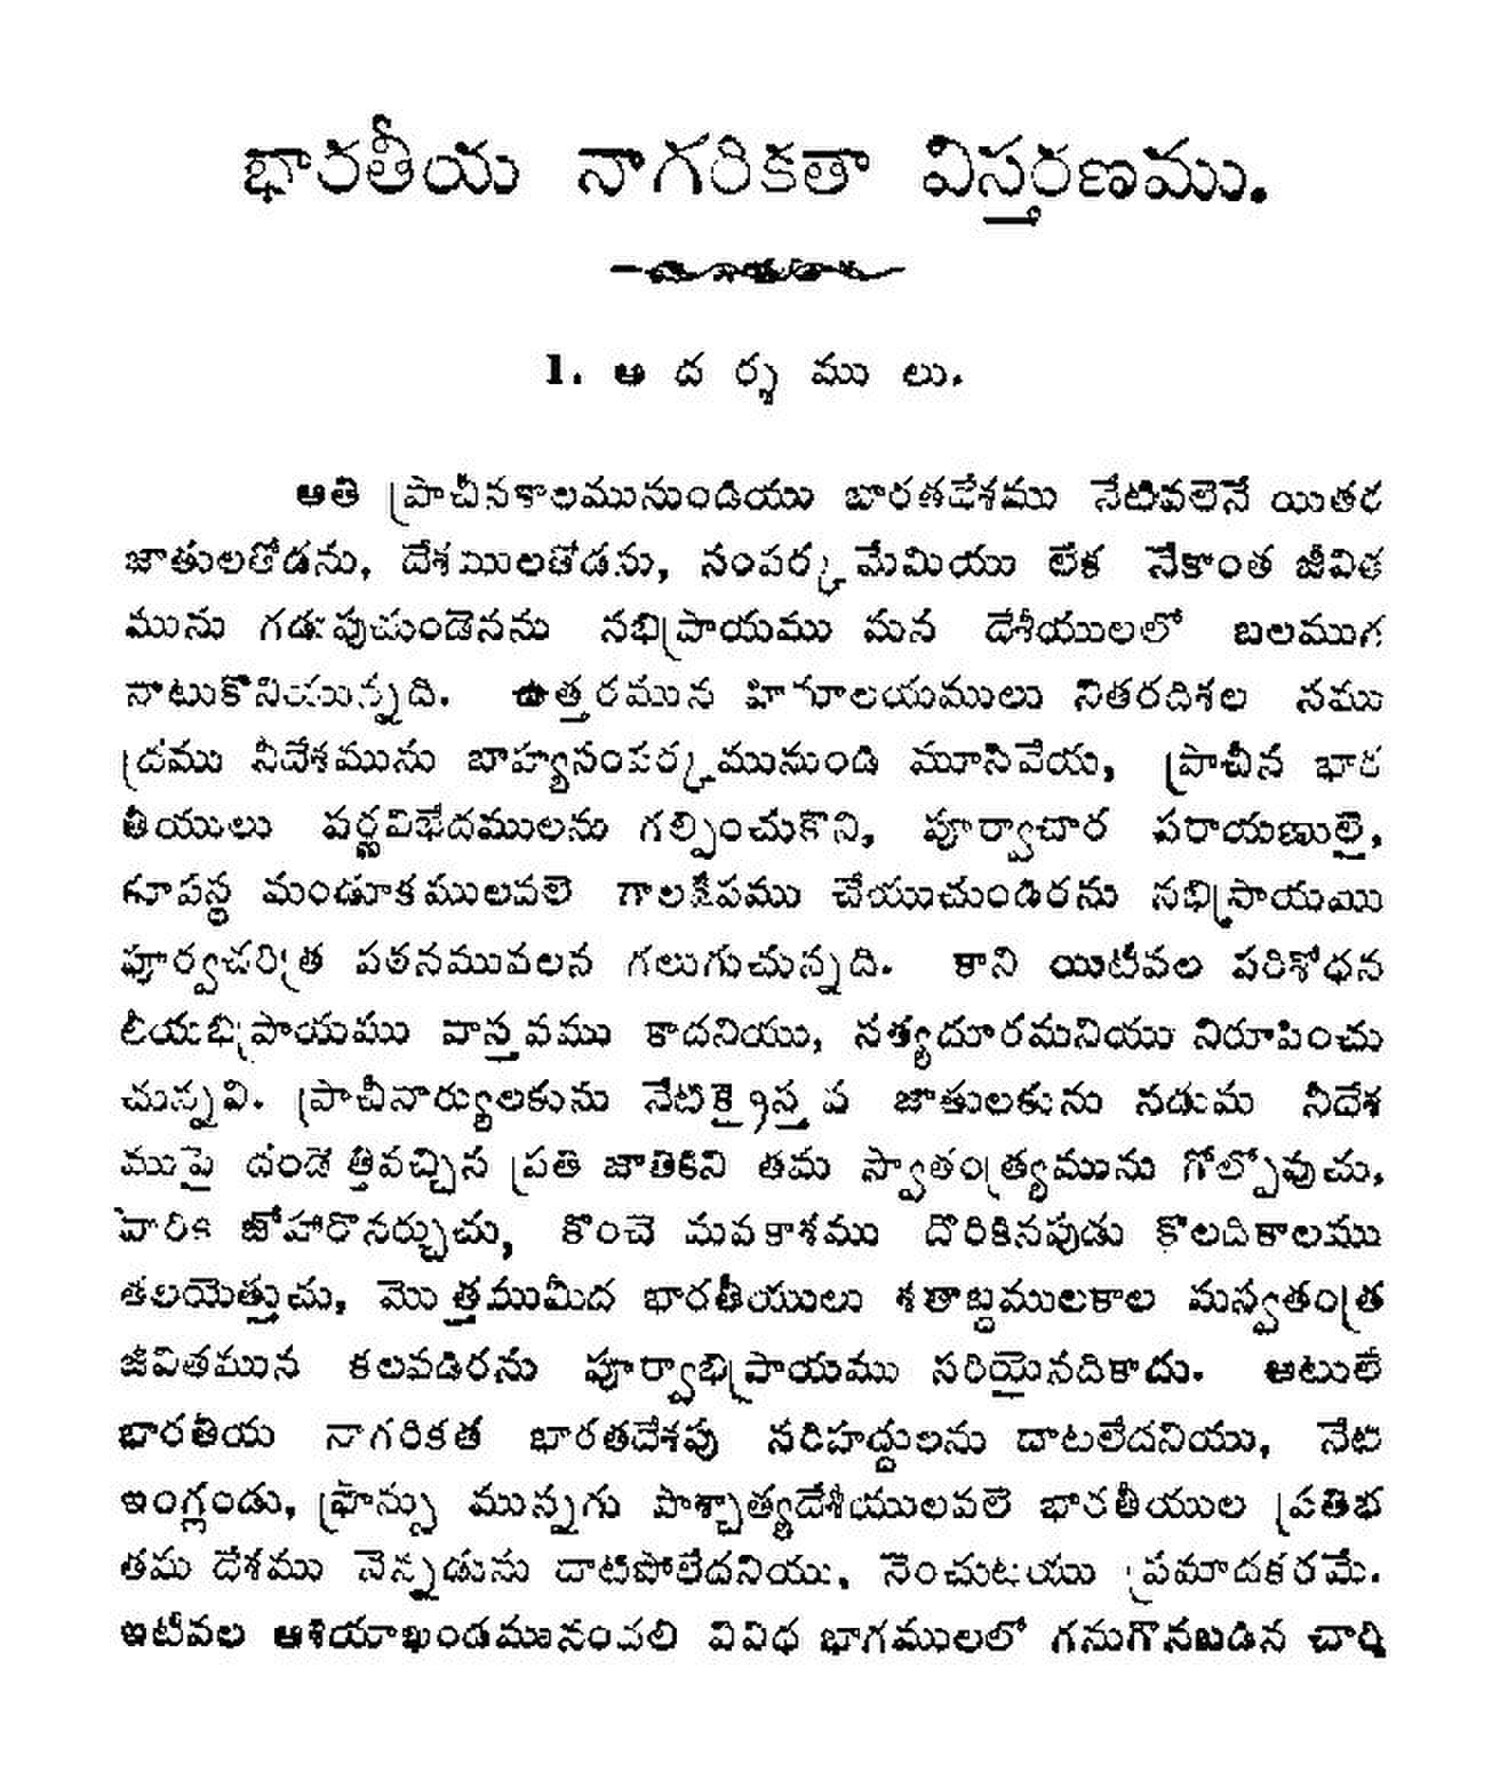అతి ప్రాచీనకాలమునుండియు భారతదేశము నేటివలెనే యితర జాతులతోడను, దేశములతోడను, సంపర్కమేమియు లేక నేకాంత జీవితమును గడుపుచుండెనను నభిప్రాయము మన దేశీయులలో బలముగ నాటుకొనియున్నది. ఉత్తరమున హిమాలయములు నితరదిశల సముద్రము నీదేశమును బాహ్యసంపర్కమునుండి మూసివేయ, ప్రాచీన భారతీయులు వర్ణవిభేదములను గల్పించుకొని, పూర్వాచార పరాయణులై, కూపస్థ మండూకములవలె గాలక్షేపము చేయుచుండిరను నభిప్రాయము పూర్వచరిత్ర పఠనమువలన గలుగుచున్నది. కాని యిటీవల పరిశోధన లీయభిప్రాయము వాస్తవము కాదనియు, సత్యదూరమనియు నిరూపించుచున్నవి. ప్రాచీనార్యులకును నేటిక్రైస్తవ జాతులకును నడుమ నీదేశముపై దండెత్తివచ్చిన ప్రతి జాతికిని తమ స్వాతంత్ర్యమును గోల్పోవుచు, వారికి జోహారొనర్చుచు, కొంచె మవకాశము దొరికినపుడు కొలదికాలము తలయెత్తుచు, మొత్తముమీద భారతీయులు శతాబ్దములకాల మస్వతంత్ర జీవితమున కలవడిరను పూర్వాభిప్రాయము సరియైనదికాదు. అటులే భారతీయ నాగరికత భారతదేశపు సరిహద్దులను దాటలేదనియు, నేటి ఇంగ్లండు, ఫ్రాన్సు మున్నగు పాశ్చాత్యదేశీయులవలె భారతీయుల ప్రతిభ తమ దేశము నెన్నడును దాటిపోలేదనియు, నెంచుటయు ప్రమాదకరమే. ఇటీవల ఆశియాఖండమునందలి వివిధ భాగములలో గనుగొనబడిన చారి